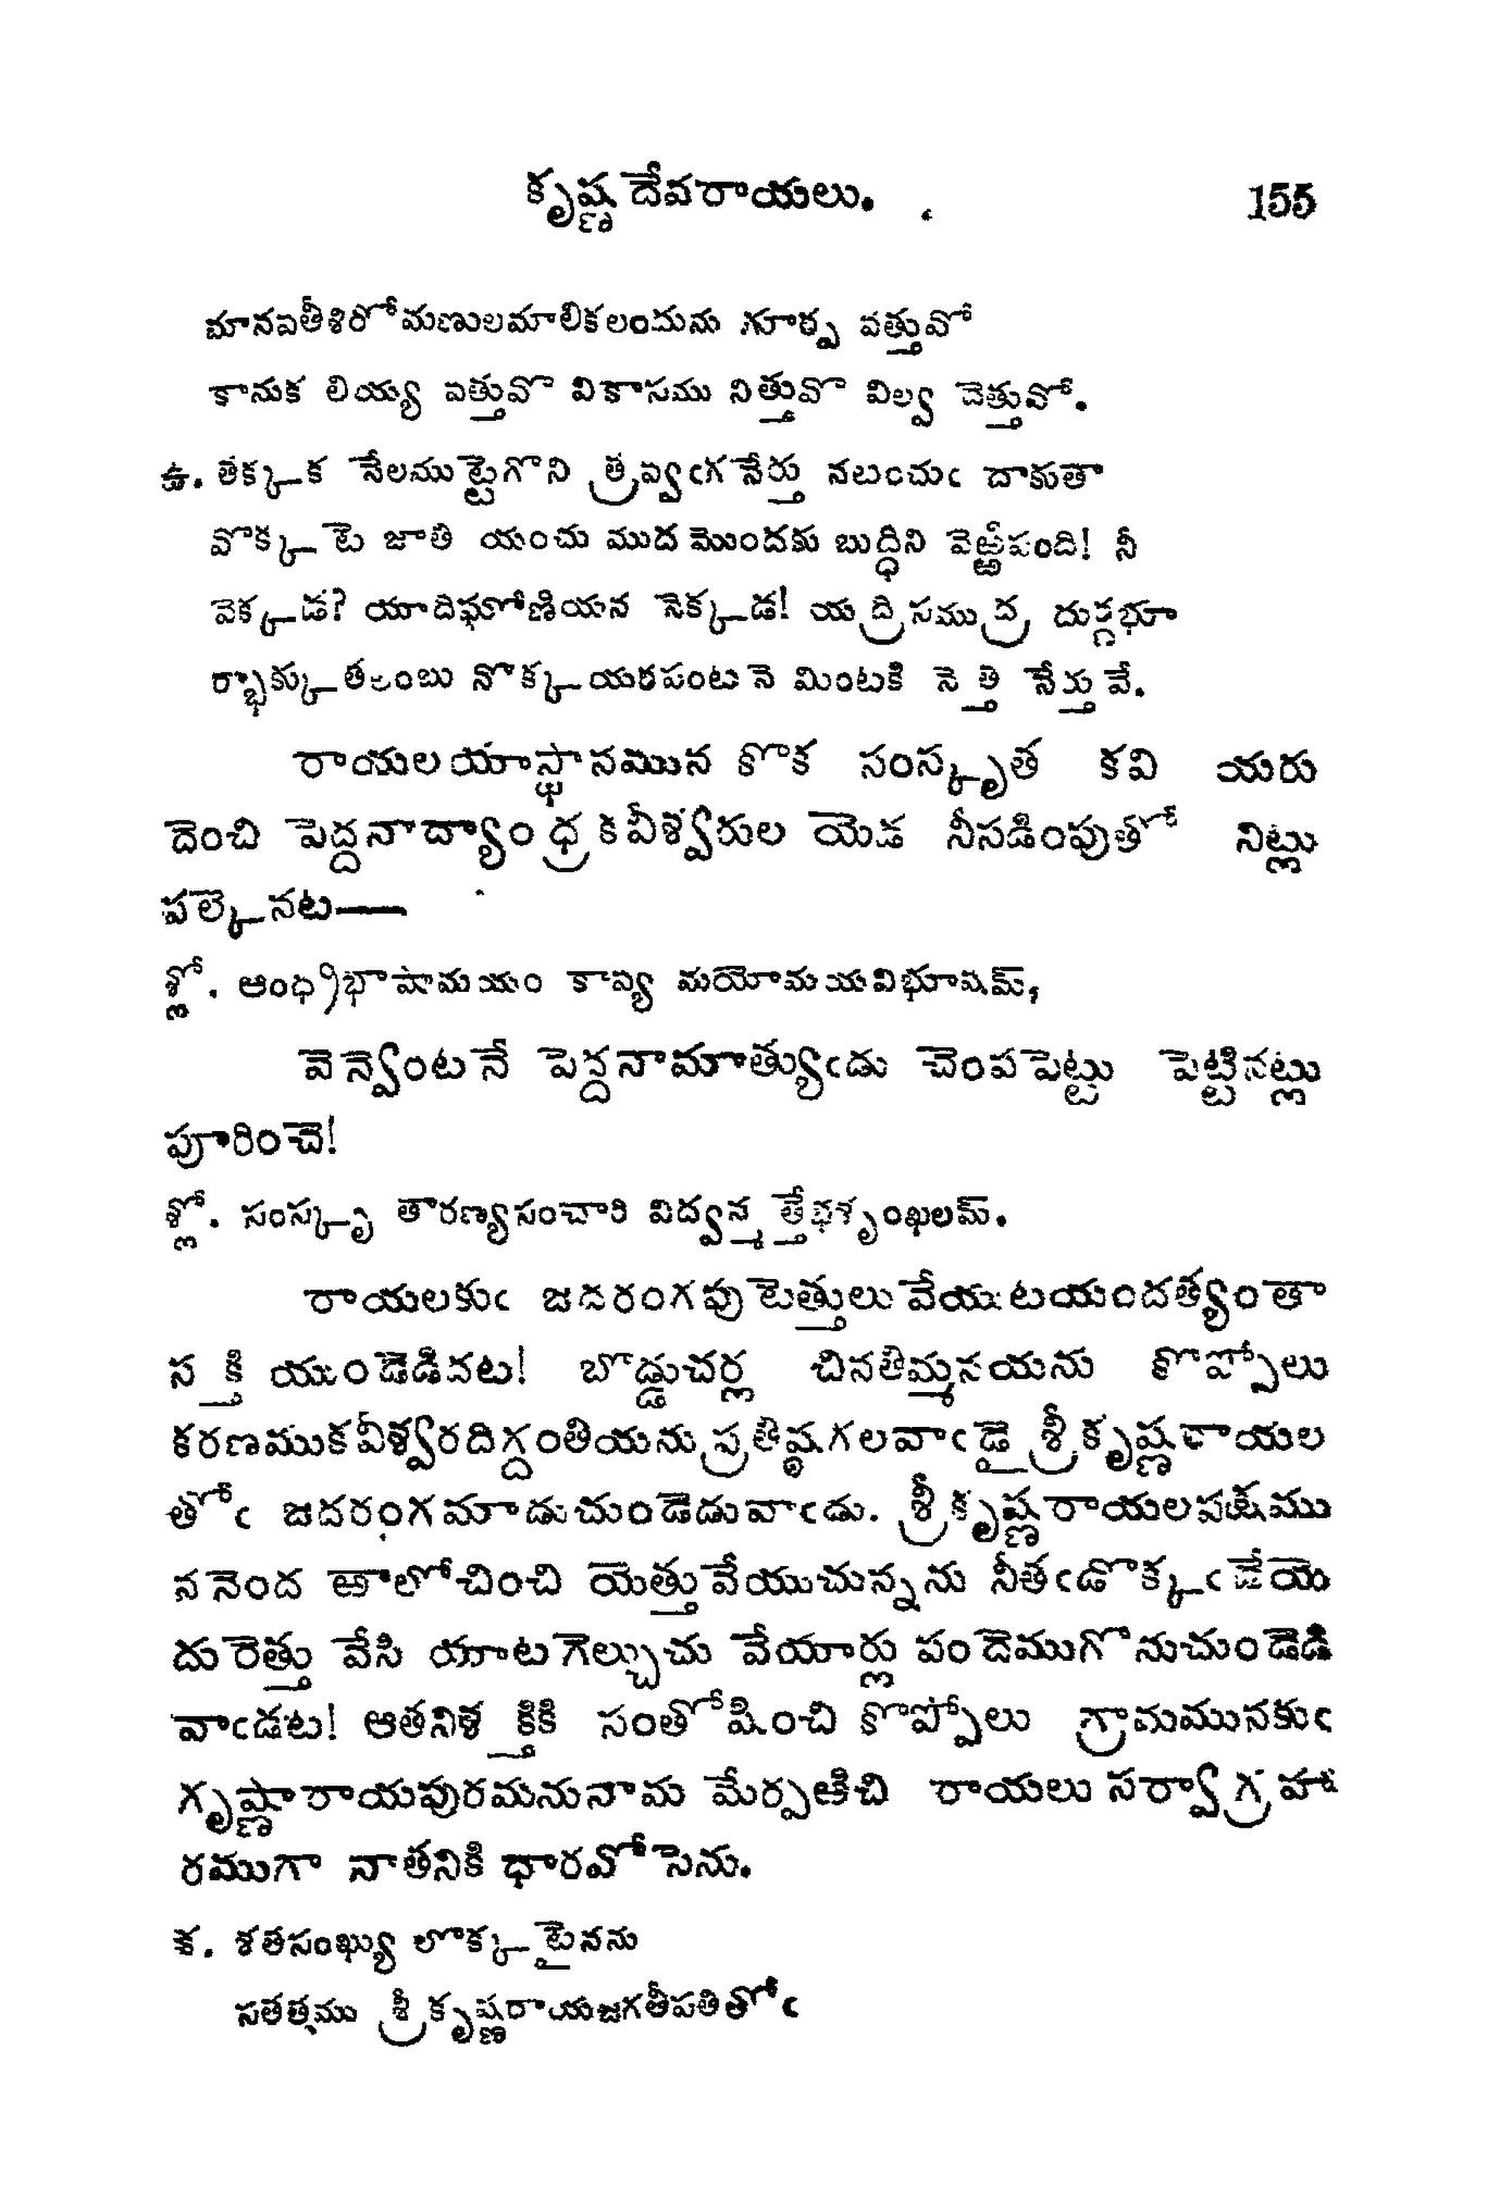మానవతీశిరోమణులమాలికలందును గూర్ప వత్తువో
 కానుక లియ్య వత్తువొ వికాసము నిత్తువొ విల్వదెత్తువో.
ఉ. తక్కక నేలముట్టెగొని త్రవ్వఁగనేర్తు నటుంచుఁ దాకుతా
 వొక్కటె జాతి యంచు ముద మొందకు బుద్ధిని వెఱ్ఱిపంది! నీ
 వెక్కడ! యాదిఘోణి యన నెక్కడ! యద్రిసముద్రదుర్గభూ
 ర్భాక్కుతలంబు నొక్కయరపంటనె మింటికి నెత్త నేర్తువే.
రాయలయాస్తానమున కొక సంస్కృతకవి యరుదెంచి పెద్దనాద్యాంధ్రకవీశ్వరుల యెడ నీసడింపుతో నిట్లు పల్కెనఁట—
శ్లో. ఆంధ్రభాషామయం కావ్య మయోమయవిభూషణమ్
వెన్వెంటనే పెద్దనామాత్యుఁడు చెంపపెట్టు పెట్టినట్లు పూరించె!
 సంస్కృతారణ్యసంచారి విద్వన్మత్తేభశృంఖలమ్.
రాయలకుఁ జదరంగపుటెత్తులు వేయుటయం దత్యంతాసక్తి యుండెడిదఁట! బొడ్డుచర్ల చినతిమ్మన యను కొప్పోలు కరణము కవీశ్వరదిగ్దంతియను ప్రతిష్ఠగలవాఁడై శ్రీకృష్ణరాయలతోఁ జదరంగమాడుచుండెడువాఁడు శ్రీకృష్ణరాయలపక్షమున నెంద ఱాలోచించి యెత్తు వేయుచున్నను నీతఁ డొక్కడే యెదురెత్తు వేసి యాట గెల్చుచు వేయార్లు పందెము గొనుచుండెడివాఁడట! ఆతనిశక్తికి సంతోషించి కొప్పోలు గ్రామమునకు గృష్ణరాయపురమనునామ మేర్పఱిచి రాయలు సర్వాగ్రహారముగా నాతనికి ధారవోసెను.
క. శతసంఖ్యు లొక్కటైనను
 సతతము శ్రీకృష్ణరాయజగతీపతితోఁ